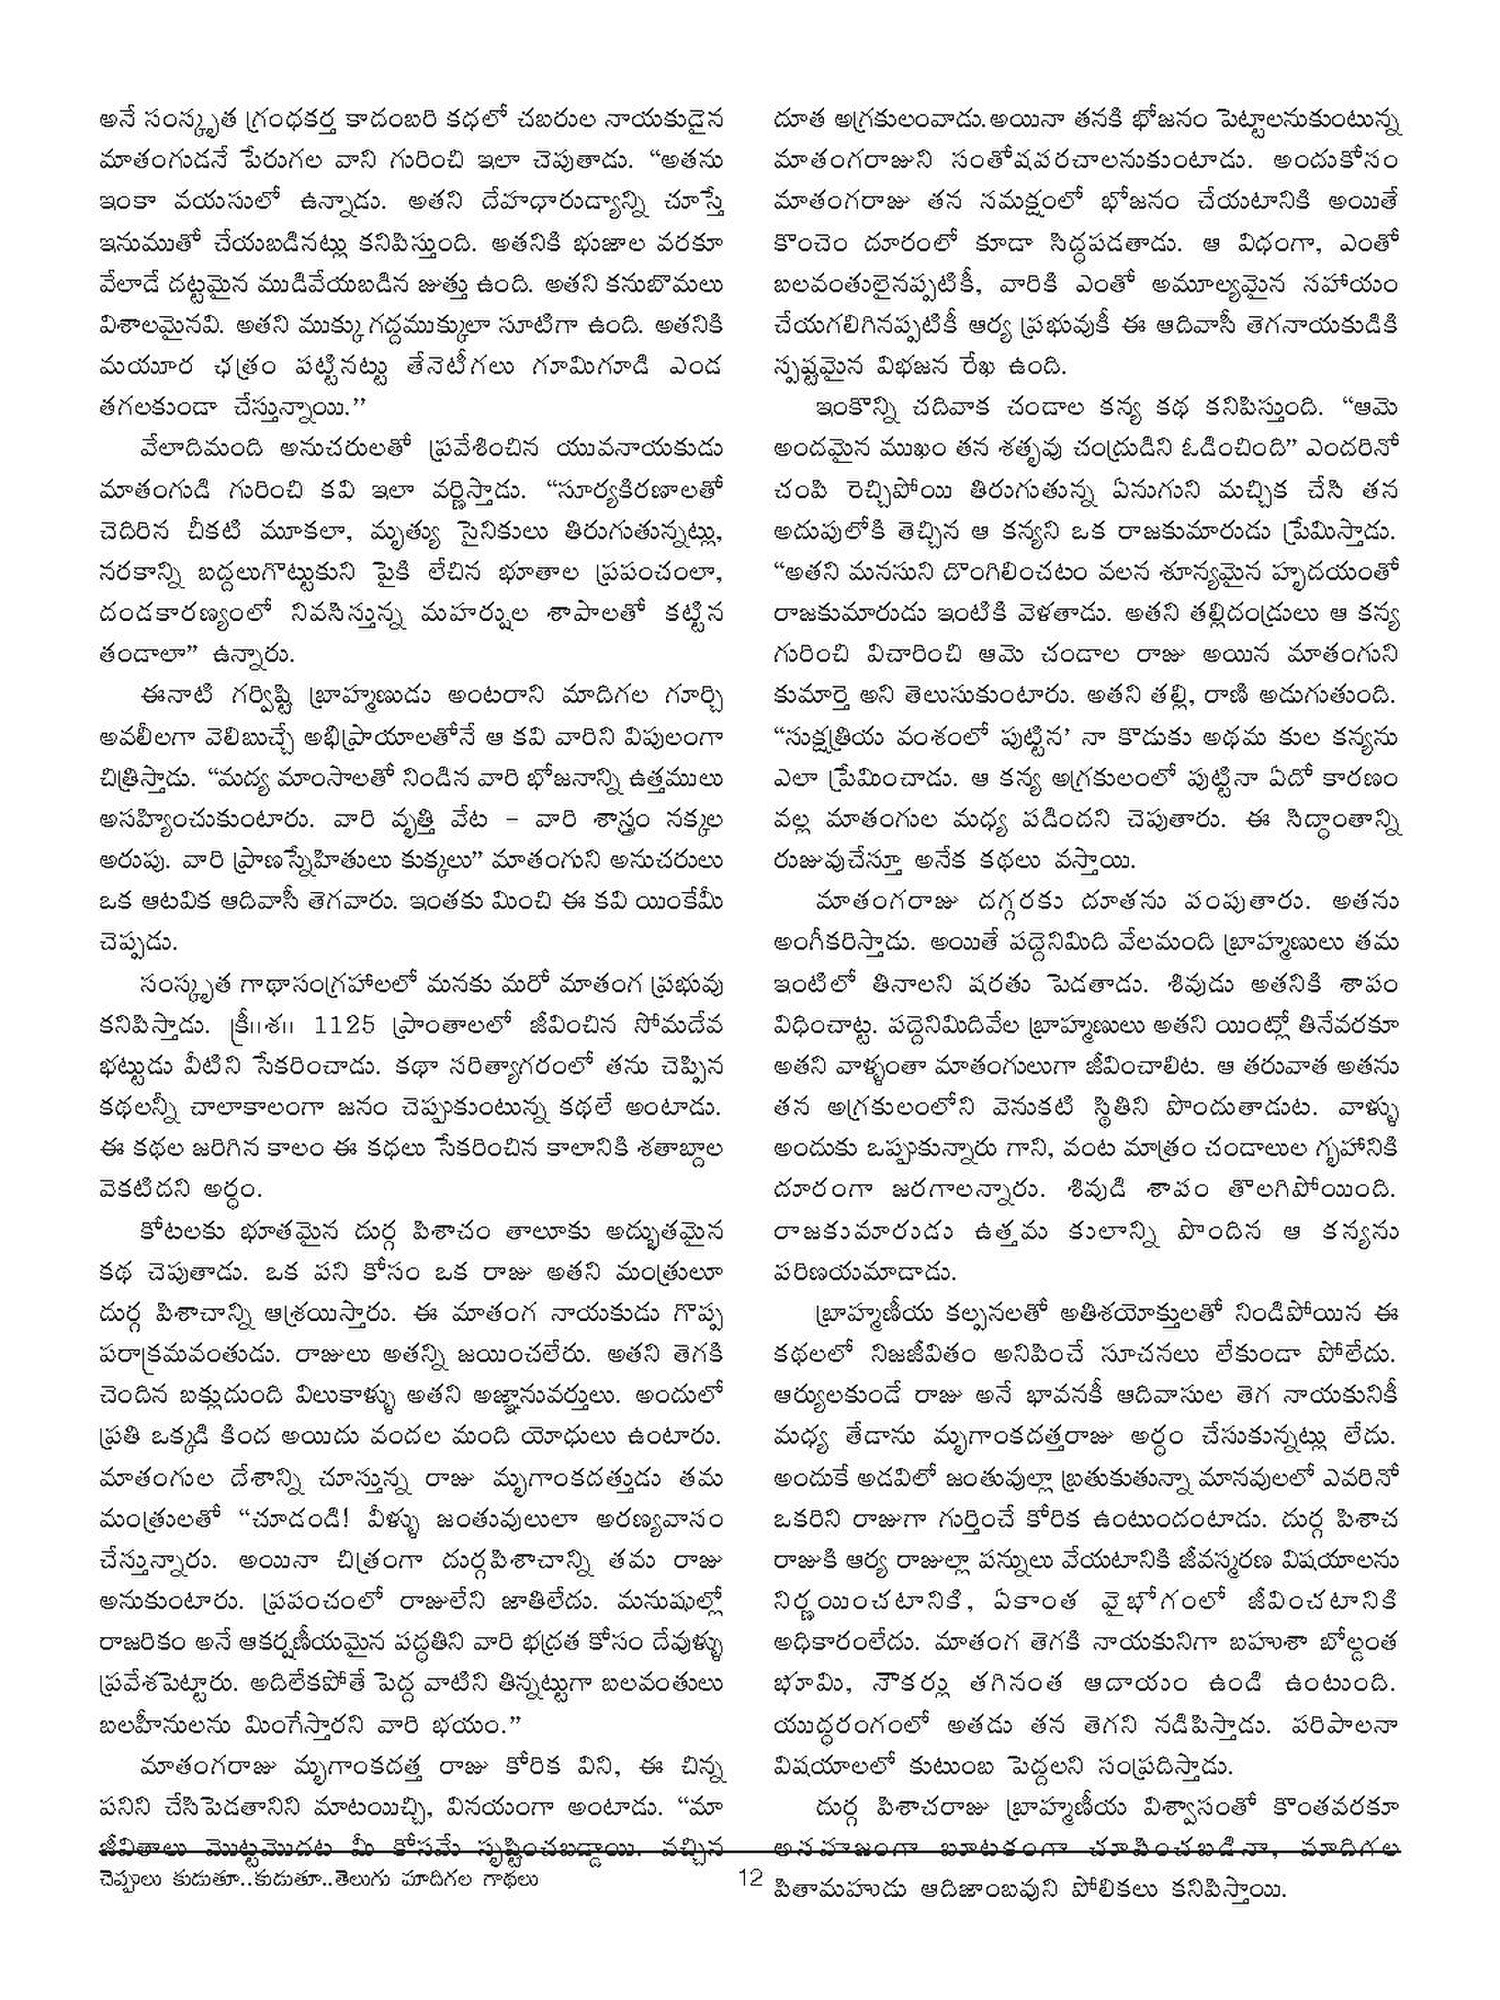అనే సంస్కృత గ్రంధకర్త కాదంబరి కధలో చబరుల నాయకుడైన మాతంగుడనే పేరుగల వాని గురించి ఇలా చెపుతాడు. “అతను ఇంకా వయసులో ఉన్నాడు. అతని దేహధారుడ్యాన్ని చూస్తే ఇనుముతో చేయబడినట్లు కనిపిస్తుంది. అతనికి భుజాల వరకూ వేలాడే దట్టమైన ముడివేయబడిన జుత్తు ఉంది. అతని కనుబొమలు విశాలమైనవి. అతని ముక్కు గద్దముక్కులా సూటిగా ఉంది. అతనికి మయూర ఛత్రం పట్టినట్టు తేనెటీగలు గుమిగూడి ఎండ తగలకుండా చేస్తున్నాయి.”

వేలాదిమంది అనుచరులతో ప్రవేశించిన యువనాయకుడు మాతంగుడి గురించి కవి ఇలా వర్ణిస్తాడు. "సూర్యకిరణాలతో చెదిరిన చీకటి మూకలా, మృత్యు సైనికులు తిరుగుతున్నట్లు, నరకాన్ని బద్దలుగొట్టుకుని పైకి లేచిన భూతాల ప్రపంచంలా, దండకారణ్యంలో నివసిస్తున్న మహర్షుల శాపాలతో కట్టిన తండాలా” ఉన్నారు.

ఈనాటి గర్విష్టి బ్రాహ్మణుడు అంటరాని మాదిగల గూర్చి అవలీలగా వెలిబుచ్చే అభిప్రాయాలతోనే ఆ కవి వారిని విపులంగా చిత్రిస్తాడు. "మద్య మాంసాలతో నిండిన వారి భోజనాన్ని ఉత్తములు
అసహ్యించుకుంటారు. వారి వృత్తి వేట - వారి శాస్త్రం నక్కల అరుపు. వారి ప్రాణస్నేహితులు కుక్కలు" మాతంగుని అనుచరులు ఒక ఆటవిక ఆదివాసీ తెగవారు. ఇంతకు మించి ఈ కవి యింకేమీ చెప్పడు.

సంస్కృత గాథాసంగ్రహాలలో మనకు మరో మాతంగ ప్రభువు కనిపిస్తాడు. క్రీ॥శ॥ 1125 ప్రాంతాలలో జీవించిన సోమదేవ భట్టుడు వీటిని సేకరించాడు. కథా సరిత్యాగరంలో తను చెప్పిన కథలన్నీ చాలాకాలంగా జనం చెప్పుకుంటున్న కథలే అంటాడు. ఈ కథల జరిగిన కాలం ఈ కధలు సేకరించిన కాలానికి శతాబ్దాల వెకటిదని అర్ధం.

కోటలకు భూతమైన దుర్గ పిశాచం తాలూకు అద్భుతమైన కథ చెపుతాడు. ఒక పని కోసం ఒక రాజు అతని మంత్రులూ దుర్గ పిశాచాన్ని ఆశ్రయిస్తారు. ఈ మాతంగ నాయకుడు గొప్ప పరాక్రమవంతుడు. రాజులు అతన్ని జయించలేరు. అతని తెగకి చెందిన బక్లుదుంది విలుకాళ్ళు అతని అజ్ఞానువర్తులు. అందులో ప్రతి ఒక్కడి కింద అయిదు వందల మంది యోధులు ఉంటారు. మాతంగుల దేశాన్ని చూస్తున్న రాజు మృగాంకదత్తుడు తమ మంత్రులతో "చూడండి! వీళ్ళు జంతువులులా అరణ్యవాసం చేస్తున్నారు. అయినా చిత్రంగా దుర్గపిశాచాన్ని తమ రాజు అనుకుంటారు. ప్రపంచంలో రాజులేని జాతిలేదు. మనుషుల్లో
రాజరికం అనే ఆకర్షణీయమైన పద్ధతిని వారి భద్రత కోసం దేవుళ్ళు ప్రవేశపెట్టారు. అదిలేకపోతే పెద్ద వాటిని తిన్నట్టుగా బలవంతులు బలహీనులను మింగేస్తారని వారి భయం.”

మాతంగరాజు మృగాంకదత్త రాజు కోరిక విని, ఈ చిన్న పనిని చేసిపెడతానిని మాటయిచ్చి, వినయంగా అంటాడు. "మా జీవితాలు మొట్టమొదట మీ కోసమే సృష్టించబడ్డాయి. వచ్చినదూత అగ్రకులంవాడు. అయినా తనకి భోజనం పెట్టాలనుకుంటున్న మాతంగరాజుని సంతోషపరచాలనుకుంటాడు. అందుకోసం
మాతంగరాజు తన సమక్షంలో భోజనం చేయటానికి అయితే కొంచెం దూరంలో కూడా సిద్ధపడతాడు. ఆ విధంగా, ఎంతో బలవంతులైనప్పటికీ, వారికి ఎంతో అమూల్యమైన సహాయం చేయగలిగినప్పటికీ ఆర్య ప్రభువుకీ ఈ ఆదివాసీ తెగనాయకుడికి స్పష్టమైన విభజన రేఖ ఉంది.

ఇంకొన్ని చదివాక చండాల కన్య కథ కనిపిస్తుంది. “ఆమె అందమైన ముఖం తన శతృవు చంద్రుడిని ఓడించింది" ఎందరినో చంపి రెచ్చిపోయి తిరుగుతున్న ఏనుగుని మచ్చిక చేసి తన అదుపులోకి తెచ్చిన ఆ కన్యని ఒక రాజకుమారుడు ప్రేమిస్తాడు. "అతని మనసుని దొంగిలించటం వలన శూన్యమైన హృదయంతో
రాజకుమారుడు ఇంటికి వెళతాడు. అతని తల్లిదండ్రులు ఆ కన్య గురించి విచారించి ఆమె చండాల రాజు అయిన మాతంగుని కుమార్తె అని తెలుసుకుంటారు. అతని తల్లి, రాణి అడుగుతుంది. "సుక్షత్రియ వంశంలో పుట్టిన' నా కొడుకు అథమ కుల కన్యను ఎలా ప్రేమించాడు. ఆ కన్య అగ్రకులంలో పుట్టినా ఏదో కారణంవల్ల మాతంగుల మధ్య పడిందని చెపుతారు. ఈ సిద్ధాంతాన్ని రుజువుచేస్తూ అనేక కథలు వస్తాయి.

మాతంగరాజు దగ్గరకు దూతను పంపుతారు. అతను అంగీకరిస్తాడు. అయితే పద్దెనిమిది వేలమంది బ్రాహ్మణులు తమ ఇంటిలో తినాలని షరతు పెడతాడు. శివుడు అతనికి శాపం విధించాట్ట. పద్దెనిమిదివేల బ్రాహ్మణులు అతని యింట్లో తినేవరకూ అతని వాళ్ళంతా మాతంగులుగా జీవించాలిట. ఆ తరువాత అతను తన అగ్రకులంలోని వెనుకటి స్థితిని పొందుతాడుట. వాళ్ళు అందుకు ఒప్పుకున్నారు గాని, వంట మాత్రం చండాలుల గృహానికి దూరంగా జరగాలన్నారు. శివుడి శాపం తొలగిపోయింది.
రాజకుమారుడు ఉత్తమ కులాన్ని పొందిన ఆ కన్యను పరిణయమాడాడు.

బ్రాహ్మణీయ కల్పనలతో అతిశయోక్తులతో నిండిపోయిన ఈ కథలలో నిజజీవితం అనిపించే సూచనలు లేకుండా పోలేదు. ఆర్యులకుండే రాజు అనే భావనకీ ఆదివాసుల తెగ నాయకునికీ మధ్య తేడాను మృగాంకదత్తరాజు అర్ధం చేసుకున్నట్లు లేదు. అందుకే అడవిలో జంతువుల్లా బ్రతుకుతున్నా మానవులలో ఎవరినో ఒకరిని రాజుగా గుర్తించే కోరిక ఉంటుందంటాడు. దుర్గ పిశాచరాజుకి ఆర్య రాజుల్లా పన్నులు వేయటానికి జీవస్మరణ విషయాలను నిర్ణయించటానికి, ఏకాంత వైభోగంలో జీవించటానికి అధికారంలేదు. మాతంగ తెగకి నాయకునిగా బహుశా బోల్డంత భూమి, నౌకర్లు తగినంత ఆదాయం ఉండి ఉంటుంది.
యుద్ధరంగంలో అతడు తన తెగని నడిపిస్తాడు. పరిపాలనా విషయాలలో కుటుంబ పెద్దలని సంప్రదిస్తాడు.

దుర్గ పిశాచరాజు బ్రాహ్మణీయ విశ్వాసంతో కొంతవరకూ అసహజంగా బూటకంగా చూపించబడినా, మాదిగల
పితామహుడు ఆదిజాంబవుని పోలికలు కనిపిస్తాయి.